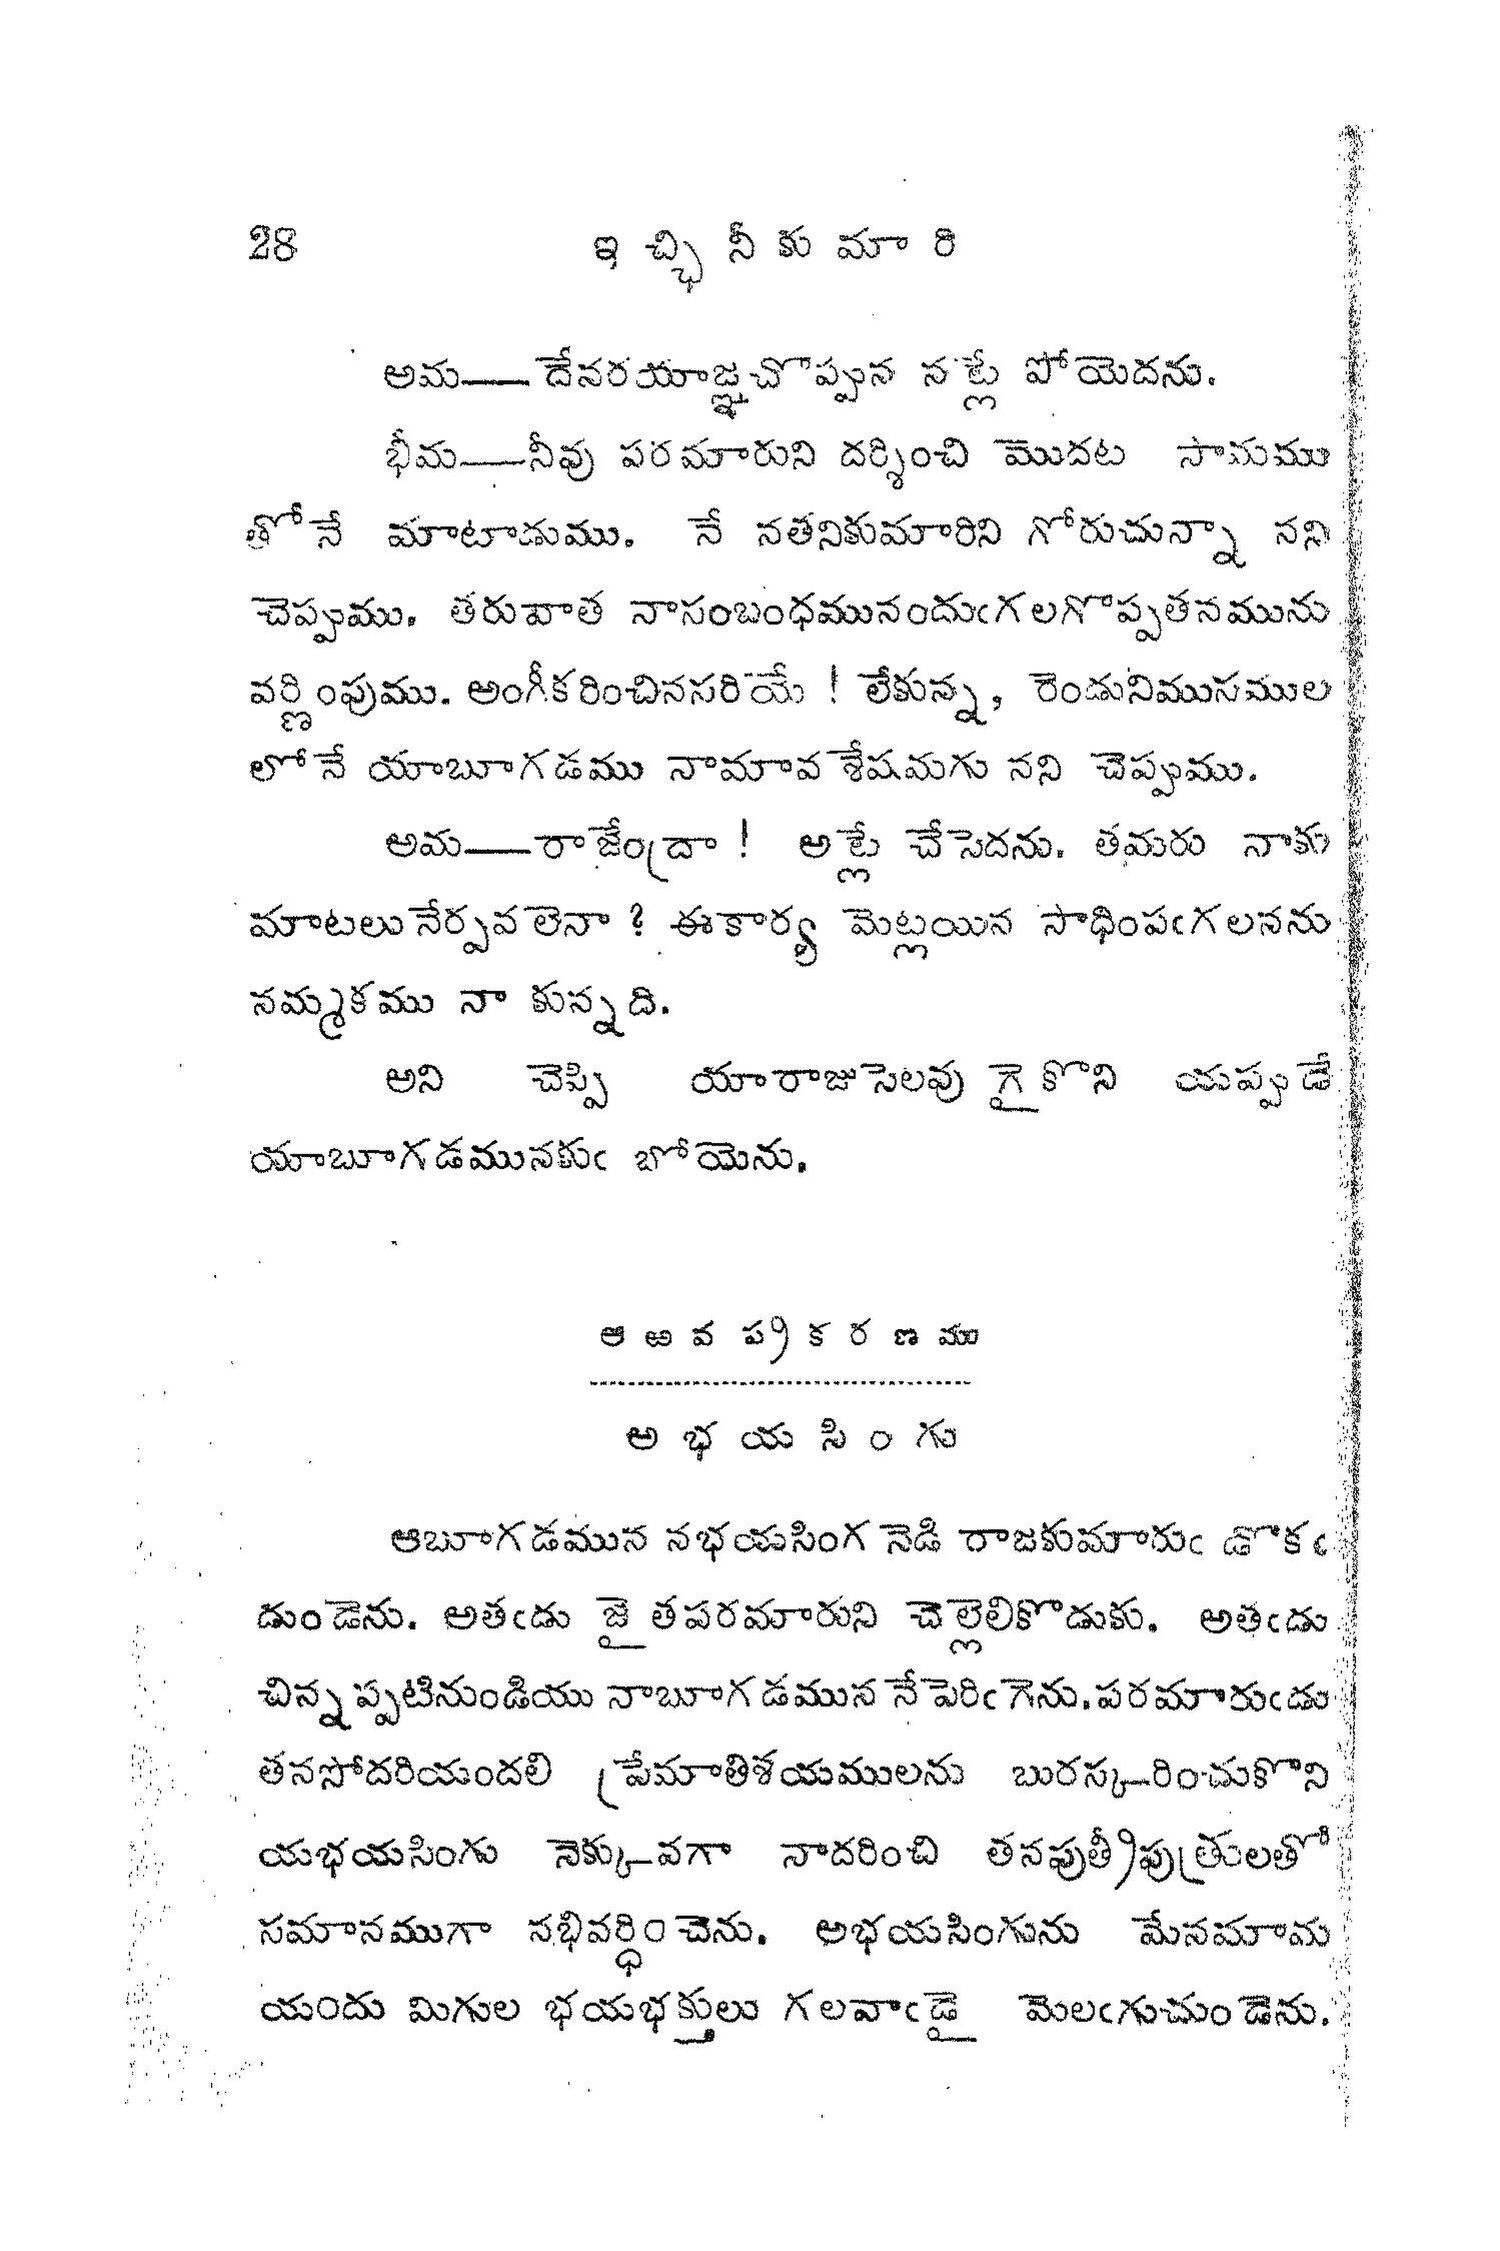అమ- దేవర యజ్ఞ చొప్పున నట్లే పోయెదను.

భీమ-నీవు పరమారుని దర్శించి మొదట సామము తోనే మాటాడుము. నే నతనికుమారిని గోరుచున్నా నని చెప్పుము, తరువాత నాసంబంధమునందుఁగల గొప్పతనమును వర్ణింపుము. అంగీకరించినసరియే ! లేకున్న , రెండు నిముసముల లో నే యాబూగడము నామావ శేషమగు నని చెప్పుము.

అమ— రాజేంద్రా ! అట్లే చేసెదను. తమరు నాకు మాటలు నేర్పవ లెనా ! ఈ కార్య మెట్లయిన సాధింపఁగలనను నమ్మకము నా కున్నది.

అనిచెప్పి యారాజు సెలవు గైకొని యప్పుడే యాబూగడమునకుఁ బోయెను.

ఆ ఱవ ప్రకరణ ము

అభయ సింగు

ఆబూగడమున నభయసింగనెడి రాజకుమారుఁ డొకఁ డుండెను. అతఁడు జై తపరమారుని చెల్లెలికొడుకు. అతఁడు చిన్నప్పటినుండియు నాబూగడమున నే పెరిఁగెను. పరమారుఁడు తన సోదరియందలి ప్రేమాతిశయములను బురస్కరించుకొని యభయసింగు నెక్కువగా నాదరించి తన పుతీ పుత్రులతో సమానముగా నభివర్ధించెను. అభయసింగును మేనమామ యందు మిగుల భయభక్తులు గలవాఁడై మెలఁగుచుండెను.